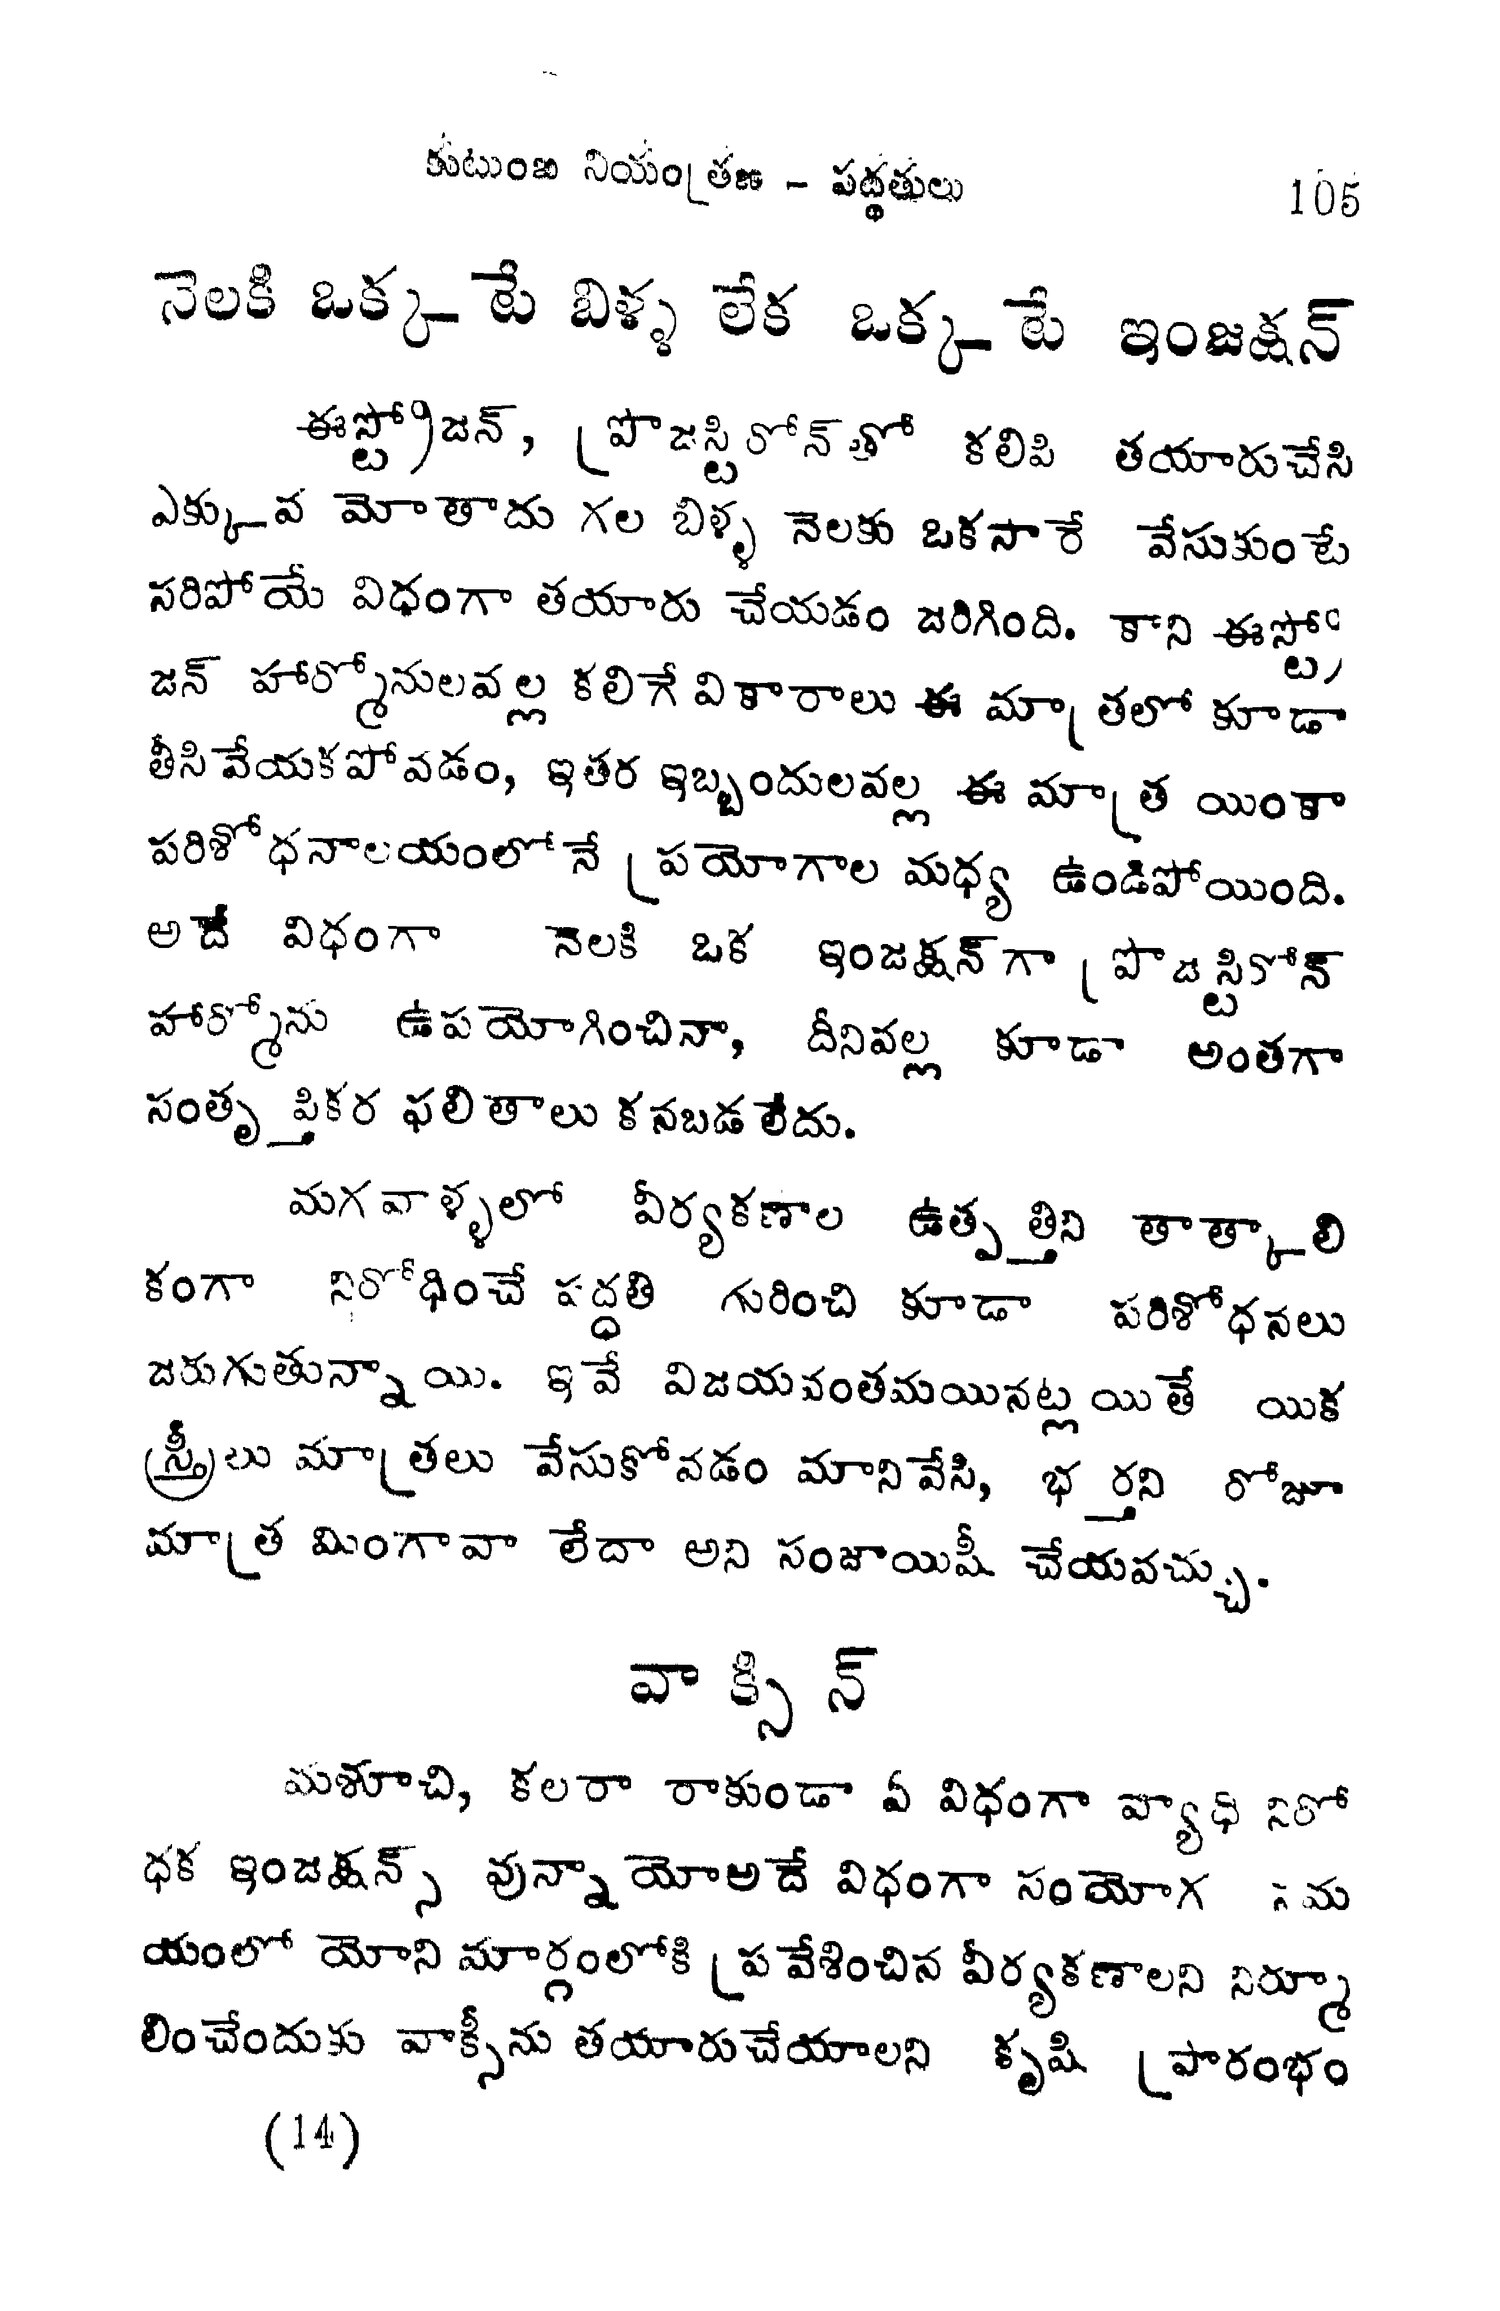ఈస్ట్రోజన్, ప్రొజస్టిరోన్‌తో కలిపి తయారుచేసి ఎక్కువ మోతాదు గల బిళ్ళ నెలకు ఒకసారే వేసుకుంటే సరిపోయే విధంగా తయారు చేయడం జరిగింది. కాని ఈస్ట్రోజన్ హార్మోనులవల్ల కలిగే వికారాలు ఈ మాత్రలో కూడా తీసివేయకపోవడం, ఇతర ఇబ్బందులవల్ల ఈ మాత్ర యింకా పరిశోధనాలయంలోనే ప్రయోగాల మధ్య ఉండిపోయింది. అదే విధంగా నెలకి ఒక ఇంజక్షన్‌గా ప్రొజస్టిరోన్ హర్మోను ఉపయోగించినా, దీనవల్ల కూడా అంతగా సంతృప్తికర ఫలితాలు కనబడలేదు.

మగవాళ్ళలో వీర్యకణాల ఉత్పత్తిని తాత్కాలికంగా నిరోధించే పద్దతి గురించి కూడా పరిశోధనలు జరుగుతున్నాయి. ఇవే విజయవంతమయినట్లయితే యిక స్త్రీలు మాత్రలు వేసుకోవడం మానివేసి, భర్తని రోజూ మాత్ర మింగావా లేదా అని సంజాయిషీ చేయవచ్చు.

మశూచి, కలరా రాకుండా ఏ విధంగా వ్యాధి నిరోధక ఇంజక్షన్స్ వున్నాయో అదే విధంగా సంయోగ సమయలో యోని మార్గంలోకి ప్రవేశించిన వీర్యకణాలని నిర్మూలించేందుకు వాక్సీను తయారుచేయాలని కృషి ప్రారంభం